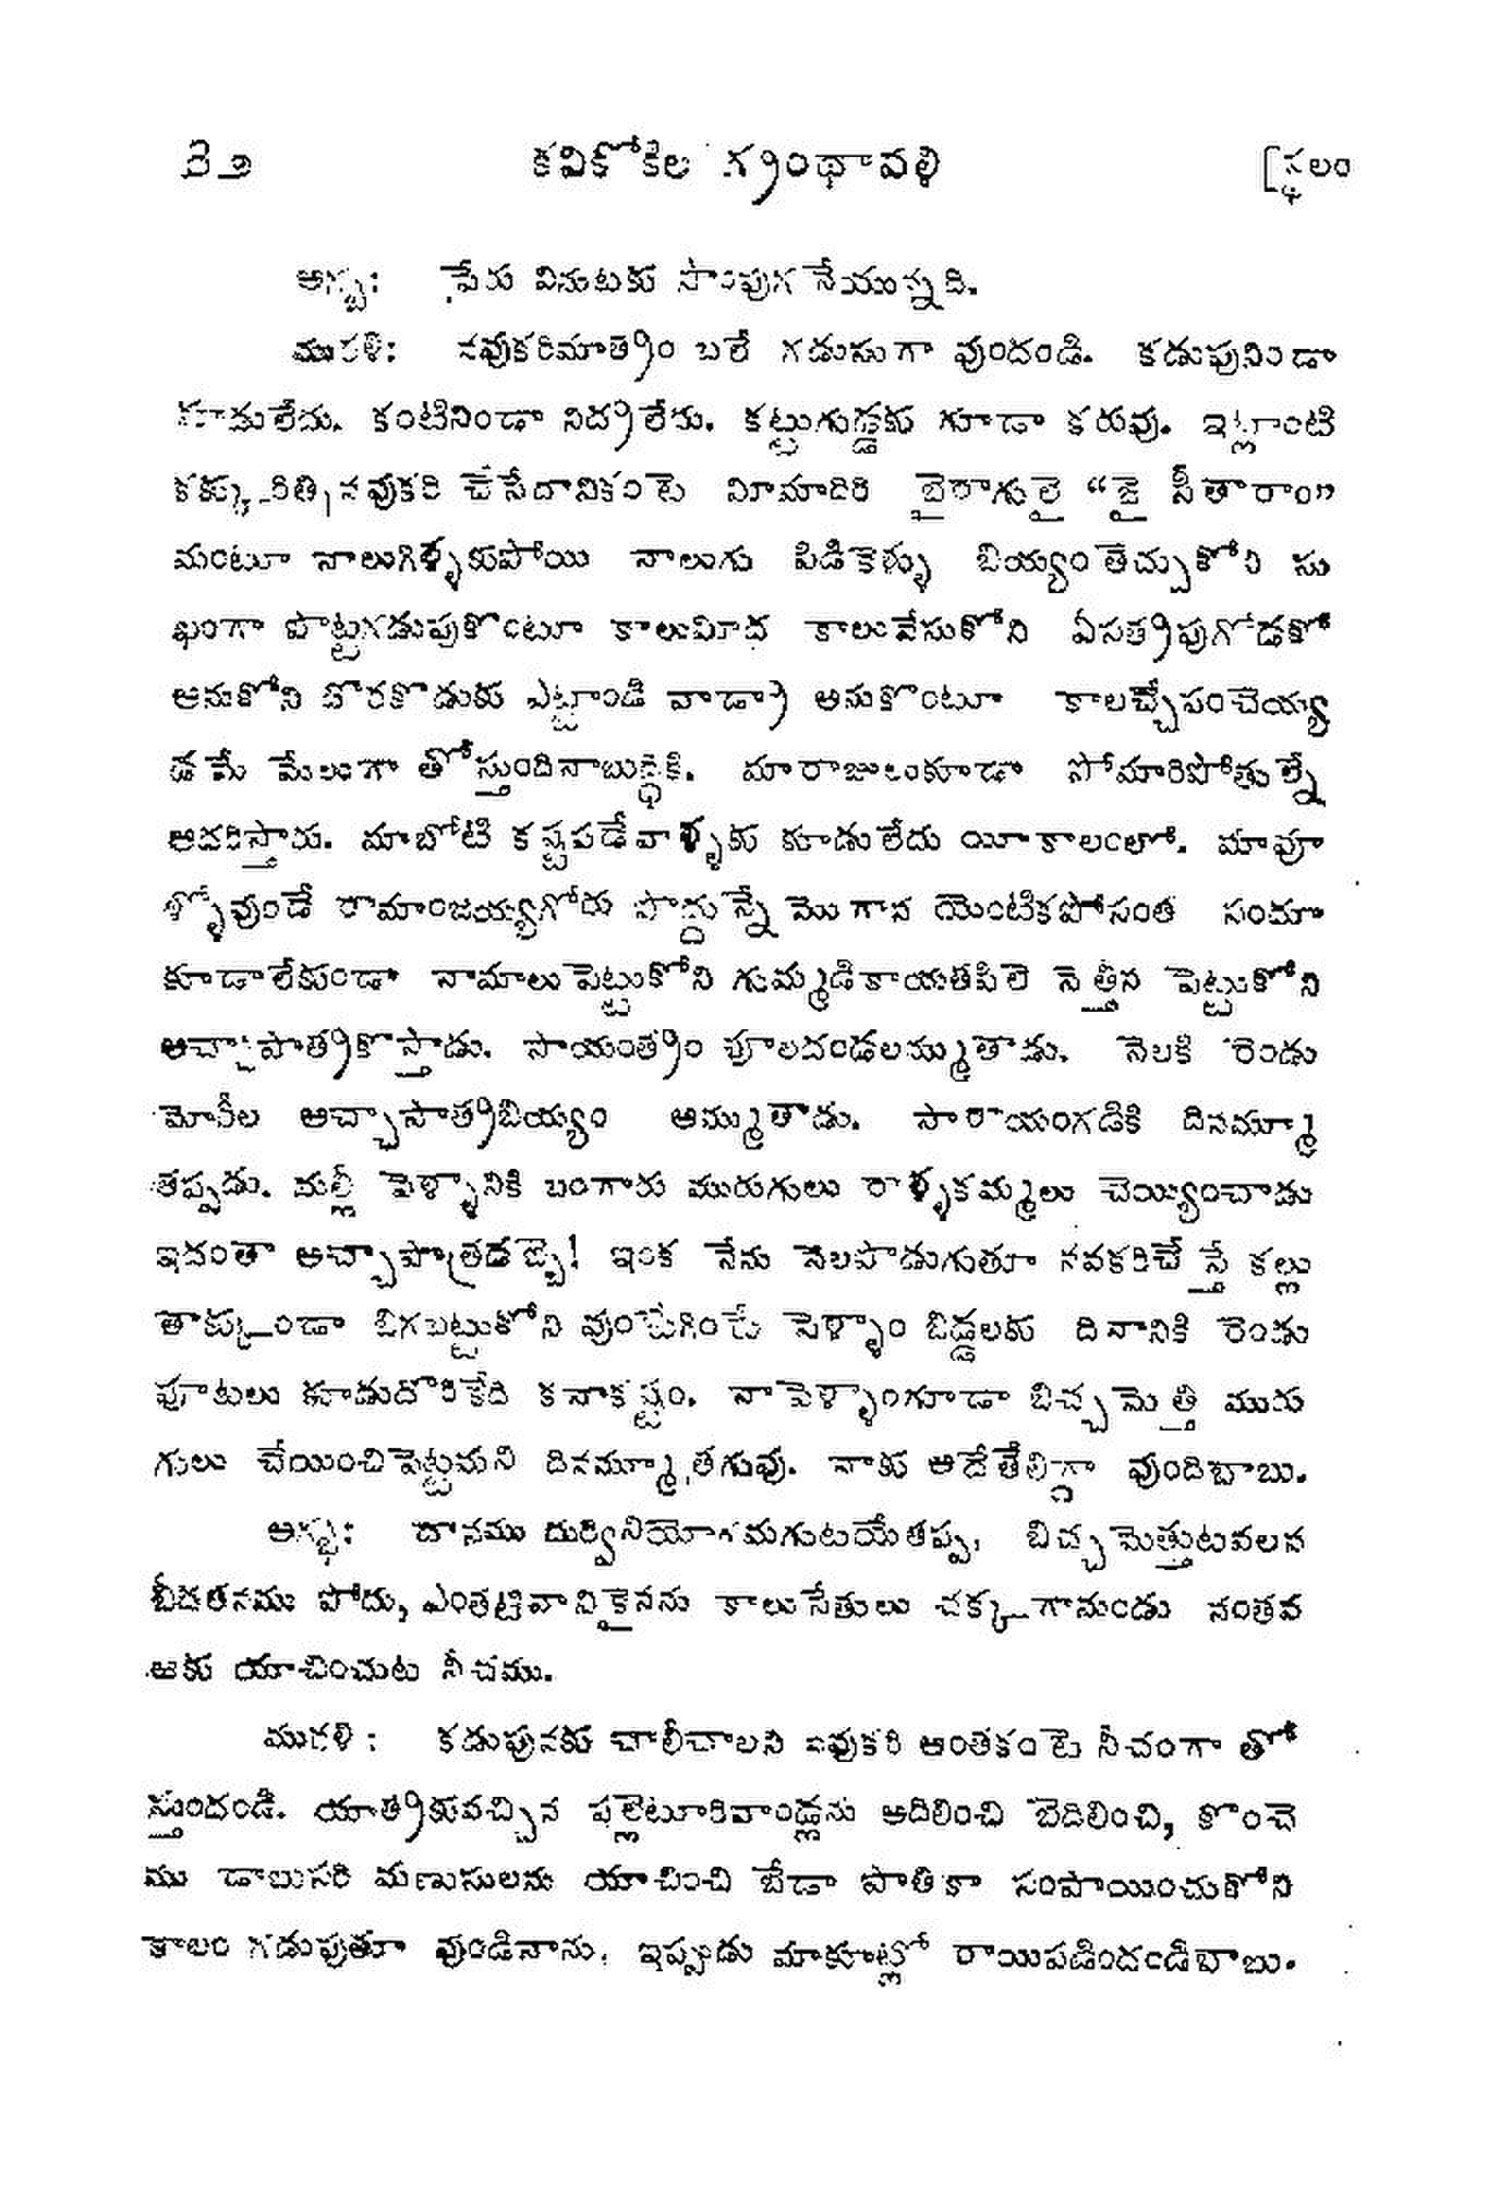అగ్బ : పేరు వినుటకు సొంపుగనేయున్నది.

మురళి : నవుకరిమాత్రం బలే గడుసుగా వుందండి కడుపునిండా కూడులేదు. కంటినిండా నిద్రలేదు. కట్టుగుడ్డకు గూడా కరువు. ఇట్లాంటి కక్కురితి నవుకరి చేసేదానికంటె మీమాదిరి బైరాగులై "జై సీతారాం" మంటూ నాలుగిళ్ళకుపోయి నాలుగు పిడికెళ్ళు బియ్యంతెచ్చుకొని సుఖంగా పొట్టగడుపుకొంటూ కాలుమీద కాలువేసికొని ఏసత్రపుగోడకో ఆనుకొని దొరకొడుకు ఎట్టాండి వాడ్రా అనుకొంటూ కాలచ్చేపం చెయ్యడమే మేలుగా తోస్తుంది నాబుద్ధికి. మారాజులుకూడా సోమారిపోతుల్నే ఆదరిస్తారు. మాబోటి కష్టపడే వాళ్ళకు కూడులేదు యీకాలంలో. మావూళ్ళోవుండే రామాంజయ్యగోరు పొద్దున్నే మొగాన యెంటికపోసంత సందూ కూడాలేకుండా నామాలుపెట్టుకోని గుమ్మడికాయతపిలె నెత్తిన పెట్టుకోని అచ్చాపాత్రకొస్తాడు. సాయంత్రం పూలదండలమ్ముతాడు. నెలకి రెండు మోరీల అచ్చాపాత్రబియ్యం అమ్ముతాడు. సారాయంగడికి దినమ్మూ తప్పడు. మల్లీ పెళ్ళానికి బంగారు మురుగులు రాళ్ళకమ్మలు చెయ్యించాడు. ఇదంతా అచ్చాపాత్రడబ్బె ! ఇంక నేను నెలపొడుగుతూ నవకరిచేస్తే కల్లు తాక్కుండా బిగబట్టుకొని వుంటేగింటే పెళ్ళాం బిడ్దలకు దినానికి రెండు పూటలు కూడుదొరికేది కనాకష్టం. నాపెళ్ళాంగూడా బిచ్చమెత్తి మురుగులు చేయించిపెట్టమని దినమ్మూ తగువు. నాకు అదేతేలిగ్గా వుందిబాబు.

అగ్భ : దానము దుర్వినియోగమగుటయేతప్ప, బిచ్చ మెత్తుటవలన బీదతనము పోదు, ఎంతటివానికైనను కాలుసేతులు చక్కగానుండు నంతవఱకు యాచించుట నీచము.

మురళి : కడుపునకు చాలీచాలని నవుకరి అంతకంటె నీచంగా తోస్తుందండి. యాత్రకువచ్చిన పల్లెటూరివాండ్లను అదిలించి బెదిలించి, కొంచెము డాబుసరి మణుసులను యాచించి బేడా పాతికా సంపాయించుకొని కాలం గడుపుతూ వుండినాను. ఇప్పుడు మాకూట్లో రాయిపడిందండిబాబు.